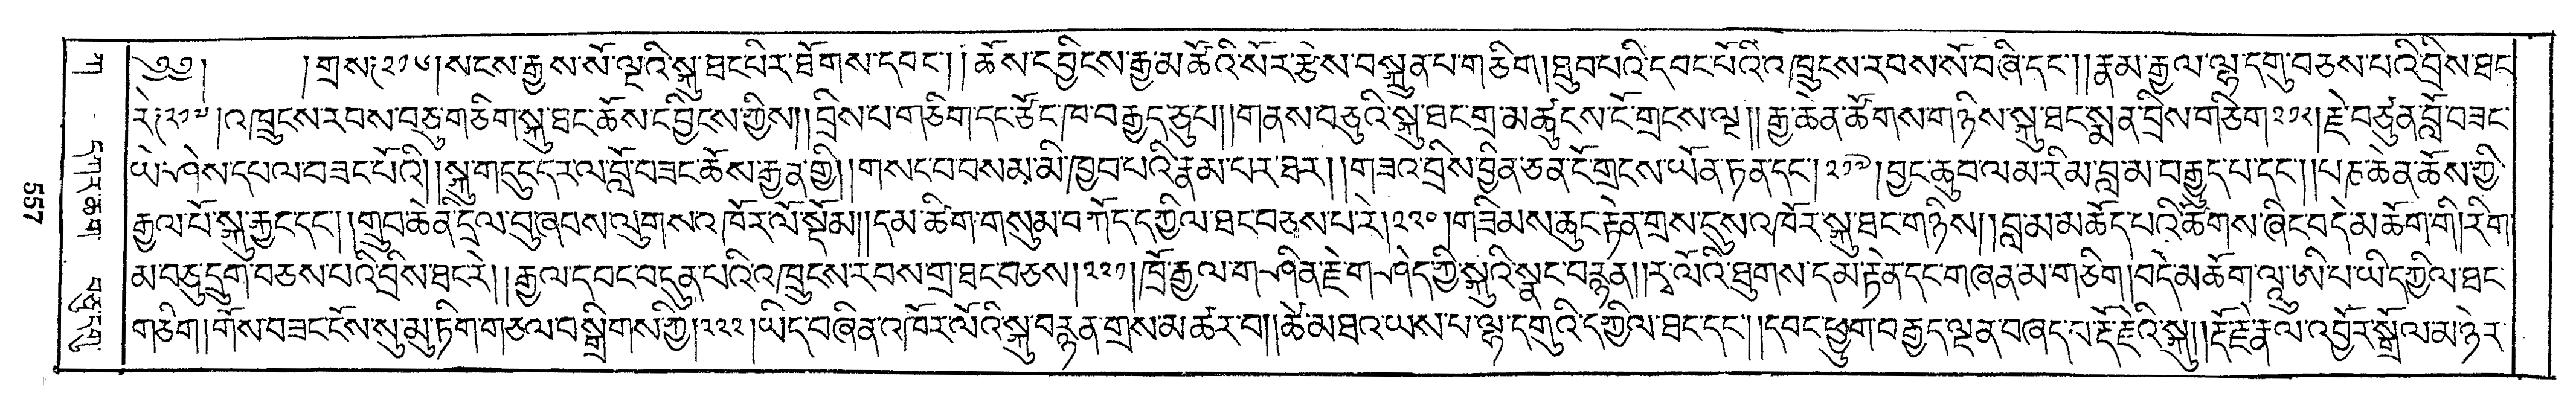༄༅། །གྲས༑ ༢༡༦་།སངས་རྒྱས་སོ་ལྔའི་སྐུ་ཐང་བིར་ཐོགས་དཔའ། །ཆོས་དབྱིངས་རྒྱ་མཚོའི་སོར་རྩེས་བསྐྲུན་པ་གཅིག །ཐུབ་པའི་དབང་པོའི་འཁྲུངས་རབས་སོ་བཞི་དང་། །རྣམ་རྒྱལ་ལྷ་དགུ་བཅས་པའི་བྲིས་ཐང་
རེ༑ ༢༡༧་།འཁྲུངས་རབས་བཅུ་གཅིག་སྐུ་ཐང་ཆོས་དབྱིངས་ཀྱིས། །བྲིས་པ་གཅིག་དང་ཙོང་ཁ་བརྒྱད་ཅུ་པ། །གནས་བཅུའི་སྐུ་ཐང་གྲ་མཚུངས་ངོ་གྲངས་ལྔ། །རྒྱ་ཆེན་ཚོགས་གཉིས་སྐུ་ཐང་སྨན་བྲིས་གཅིག ༢༡༨་།རྗེ་བཙུན་བློ་བཟང་
ཡེ་ཤེས་དཔལ་བཟང་པོའི། །སྐུ་གདུང་དར་ལ་བློ་བཟང་ཆོས་རྒྱན་གྱི། །གསང་བ་བསམ་མི་ཁྱབ་པའི་རྣམ་པར་ཐར། །གཟབ་བྲིས་བྱིན་ཅན་ངོ་གྲངས་ཡོན་ཏན་དང་། ༢༡༧་།བྱང་ཆུབ་ལམ་རིམ་བླ་མ་བརྒྱུད་པ་དང་། །པཎ་ཆེན་ཆོས་ཀྱི་
རྒྱལ་པོ་སྐུ་རྐྱང་དང་། །གྲུབ་ཆེ་ནི་དྲིལ་བུ་ཞབས་ལུགས་འཁོར་ལོ་སྡོམ། །དམ་ཚིག་གསུམ་བཀོད་དཀྱིལ་ཐང་བཅས་པ་རེ། ༢༢༠་།གཟིམས་ཆུང་རྟེན་གྲས་དུས་འཁོར་སྐུ་ཐང་གཉིས། །བླ་མ་མཆོད་པའི་ཚོགས་ཞིང་བདེ་མཆོག་གི་རིག་
མ་བཅུ་དྲུག་བཅས་པའི་བྲིས་ཐང་རེ། །རྒྱལ་དབང་བདུན་པའི་འཁྲུངས་རབས་གྲ་ཐང་བཅས། ༢༢༡་།ཁྲོ་རྒྱལ་གཤིན་རྗེ་གཤེད་ཀྱི་སྐུའི་སྣང་བརྙན། །རྭ་ལོའི་ཐུགས་དམ་རྟེན་དང་གཞན་མ་གཅིག །བདེ་མཆོག་ལཱུ་ཨི་པ་ཡི་དཀྱིལ་ཐང་
གཅིག །གོས་བཟང་ངོས་སུ་མུ་ཏིག་གཅལ་བསྒྲིགས་ཀྱི། ༢༢༢་།ཡིད་བཞིན་འཁོར་ལོའི་སྐུ་བརྙན་གྲས་མཚར་བ། །ཚེ་མཐའ་ཡས་པ་ལྷ་དགུའི་དཀྱིལ་ཐང་དང་། །དབང་ཕྱུག་བརྒྱད་ལྡན་བཞད་པ་རྡོ་རྗེའི་སྐུ། །རྡོ་རྗེ་རྣལ་འབྱོར་སྒྲོལ་མ་ཉེར་